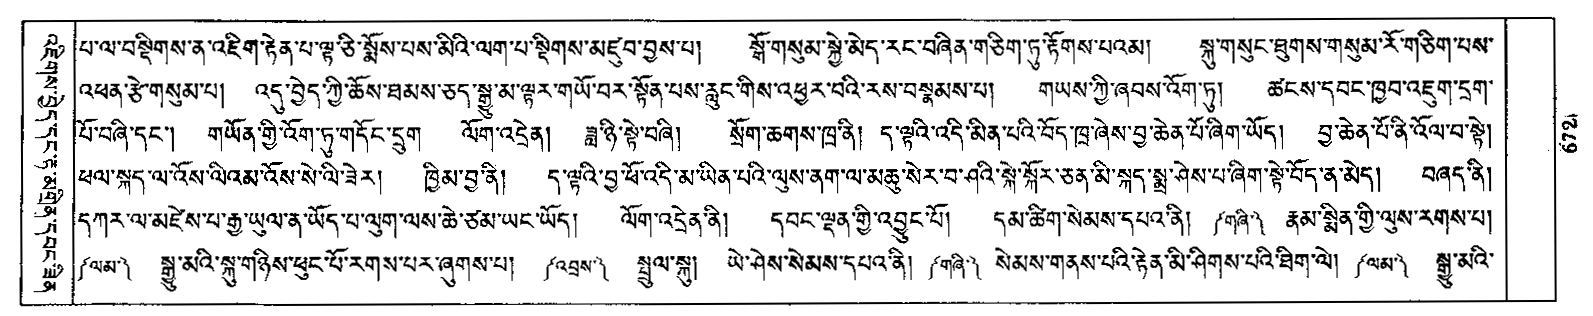པ་ལ་བསྡིགས་ན་འཇིག་རྟེན་པ་ལྟ་ཅི་སྨོས་པས་མིའི་ལག་པ་སྡིགས་མཛུབ་བྱས་པ། སྒོ་གསུམ་སྐྱེ་མེད་རང་བཞིན་གཅིག་ཏུ་རྟོགས་པའམ། སྐུ་གསུང་ཐུགས་གསུམ་རོ་གཅིག་པས་
འཕན་རྩེ་གསུམ་པ། འདུ་བྱེད་ཀྱི་ཆོས་ཐམས་ཅད་སྒྱུ་མ་ལྟར་གཡོ་བར་སྟོན་པས་རླུང་གིས་འཕྱར་བའི་རས་བསྣམས་པ། གཡས་ཀྱི་ཞབས་འོག་ཏུ། ཚངས་དབང་ཁྱབ་འཇུག་དྲག་
པོ་བཞི་དང་། གཡོན་གྱི་འོག་ཏུ་གདོང་དྲུག་ལོག་འདྲེན། ཟླ་ཉི་སྟེ་བཞི། སྲོག་ཆགས་ཁྲ་ནི། ད་ལྟའི་འདི་མིན་པའི་བོད་ཁྲ་ཞེས་བྱ་ཆེན་པོ་ཞིག་ཡོད། བྱ་ཆེན་པོ་ནི་འོལ་བ་སྟེ།
ཕལ་སྐད་ལ་འོས་ལིའམ་འོས་སེ་ལི་ཟེར། ཁྱིམ་བྱ་ནི། ད་ལྟའི་བྱ་ཕོ་འདི་མ་ཡིན་པའི་ལུས་ནག་ལ་མཆུ་སེར་བ་ཤའི་སྐེ་སྐོར་ཅན་མི་སྐད་སྨྲ་ཤེས་པ་ཞིག་སྟེ་བོད་ན་མེད། བཞད་ནི།
དཀར་ལ་མཛེས་པ་རྒྱ་ཡུལ་ན་ཡོད་པ་ལུག་ལས་ཆེ་ཙམ་ཡང་ཡོད། ལོག་འདྲེན་ནི། དབང་ལྡན་གྱི་འབྱུང་པོ། དམ་ཚིག་སེམས་དཔའ་ནི། གཞ྄ི་རྣམ་སྨིན་གྱི་ལུས་རགས་པ།
༼ལམ྄་སྒྱུ་མའི་སྐུ་གཉིས་ཕུང་པོ་རགས་པར་ཞུགས་པ། ༽འབྲས྄་སྤྲུལ་སྐུ། ཡེ་ཤེས་སེམས་དཔའ་ནི། ༼གཞ྄ི་སེམས་གནས་པའི་རྟེན་མི་ཤིགས་པའི་ཐིག་ལེ། ༽ལམ྄་སྒྱུ་མའི་